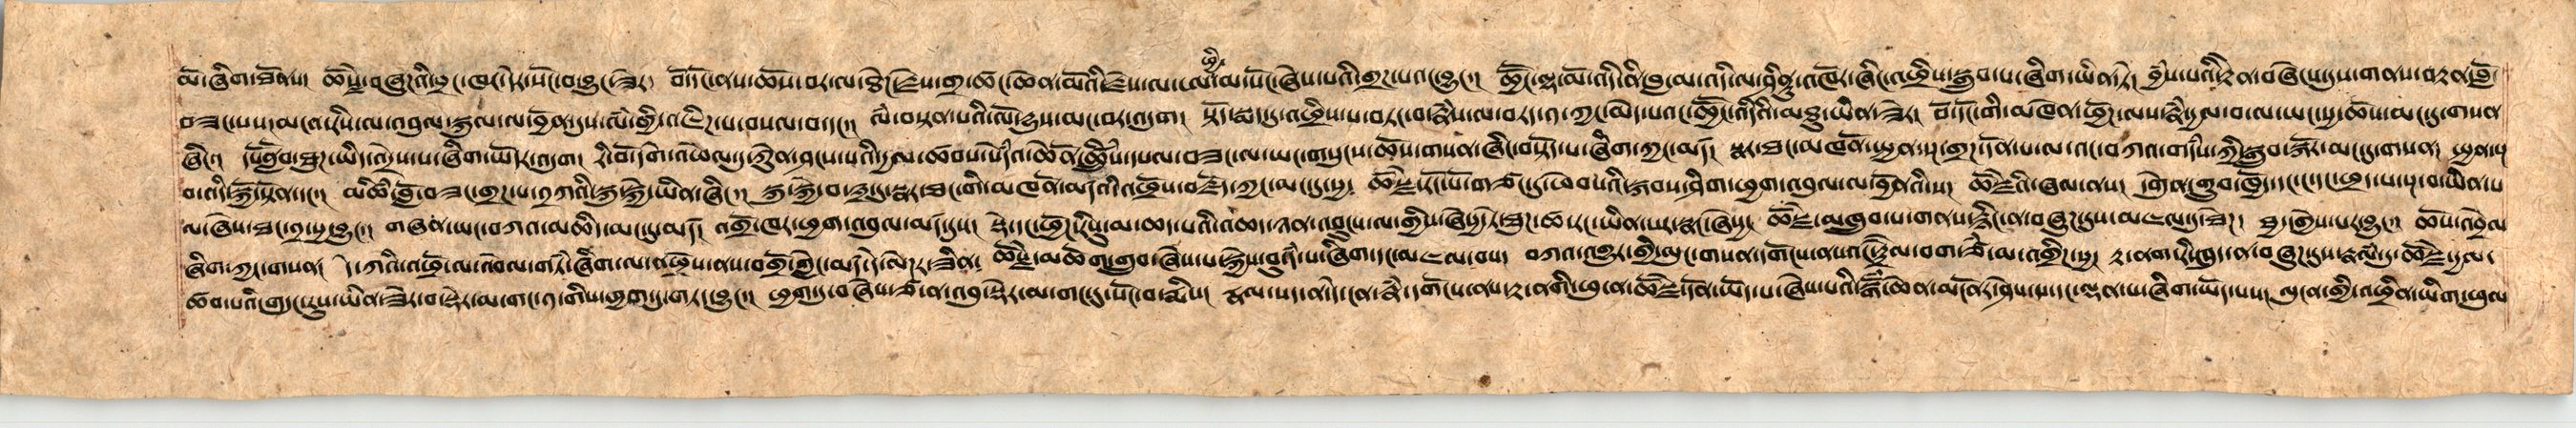མོ་ཞིག་ཐོནས། ཆོསྗེ་བཞུཌའི་བྲང་ཁང་དེར་སོང་བ་བྱུང་ཟེར། བོ་དོང་ནས་ཆོས་བར་ལ་ཐེཌརྗེས་གྲ་ཚང་ཆེན་མོའི་རྗེས་ལ་ཨ་ཕྱི་མ་སོང་ཞེས་པའི་གྲཌ་པའང་བྱུང་། ཆྱཽང་ལྷ་མོ་འདི་ནི་བླ་མ་འདི་ལ་ཤིནྟུ་འཁོར་ཞིང་འཕྲིས་སྒྲུབ་པ་ཞིག་ཡིན་ཏེ། བྱཾས་པའི་རྟེན་བཞེངས་དུས་གནས་བརྟན་བློ་
བཟང་པས་མངའ་རིས་ལ་འབུལ་སྐུལ་ལ་བྱོན་དུས་ལཾ་གྱི་འཇིཌ་པ་བསལ་བ་དང་། ལཾ་བསྟན་པའི་ལོ་དྱུས་མང་བར་འདུག། སྟོད་སྨད་དུ་འཕྲིས་པ་བཏང་བ་རྣཾས་ལ་བརད་༡་ཀྱང་མེད་པའང་ཆྱཽང་འདིའི་མཐུ་ཡིན་ཟེར། བོ་དོང་གི་མཁེན་ཕྱོཌ་ལས་རྣཾ་དྱལ་བ་ལ་ཡང་སྱ་ཆོས་མང་དུ་གསན་
ཞིང་། དཔོནློབ་ཐུཌ་ཡིད་འདྲེས་པ་ཞིག་ཡོདར་འདུག། རི་བོ་དགེ་འཕེལ་དུ་ཀེུན་ཤངས་པའི་དྱལ་ཚབས་སེཾདའ་ཆེནོ་ཚྲིུཾས་དཔལ་བཟང་ལ་ཡང་གསུངས་ཆོས་གསན་ཞིང་བསྟོད་པ་ཞིག་ཀྱང་མཛད། སྣར་ཐང་མཁནོ་སྤྱན་སྔ་གྲཌ་དོན་པ་ལ་འང་བཀའ་གདཾས་ཀྱི་སྒྲུབ་སྐོར་མང་དུ་གསན། སྤྱན་སྔ་
བ་འདི་སྐྱོ་སྟོན་པ་དང་། མཚི་བློ་བཟང་གྲཌ་པ་༢ཀའི་སྐུ་སྐྱེ་ཡིན་ཞིང་། སྐུ་སྐྱེ་བ་༣་དུ་སྣར་ཐང་གི་མཁནོ་མཛདའི་འཕྲོས་བརྗོད་ཀྱང་མང་དུ་པྱ་ ཆོསྗེ་རོང་པོ་གཙང་དུ་ཕེབཔའི་སྐབས་ཤིག་ཕྱག་འབུལ་ལ་བྱོནའི་ས། ཆོསྗེའི་ཞལ་ནས། དགེུན་གྲུབ་ཁྱོད་དང་ང་དང་ཕྲད་པ་སྔ་བ་ཡིན་པ
ལ་ཞེས་ཐང་༢་པྱ་བྱུང་། གཞན་ཡང་བཀའ་མཆིད་མང་དུ་མཛད། འགྲོ་ཁར་ཕྱག་འབུལ་མཛད་དུས། སྡེ་དང་ཕྱོཌ་རིསུ་མ་ཆད་པའི་འཆད་ཉན་འབུངས་ལ་གྱིས་ཞེསྱ་ཏེ་ཐུཌ་ཚ་རང་ཡིན་པར་སྣང་ཞེསྱ། ཆོསྗེ་མཁྲུབ་པ་གནས་རྙིང་ན་བཞུཌ་དུས་མཇལ་དུ་ཐེཌ། ཐྱ་དགྱེས་པར་བྱུང་། ཆོས་འབྲེལ
ཞིག་ཀྱང་གསན། དེ་ཀའི་འཕྲོ་ལ་འབེལ་གཏཾ་ཞིག་ལ་འཕྲོས་ནས་བགྲོ་གླེང་མཛད་དེ་ལེཌར་ཟིན་ ཆོསྗེ་མཆོག་གྲུབ་ཞེས་པ་སྐྱེས་བུ་དཾ་པ་ཞིག་དང་མཇལ་བས། བཀའ་འགྱུར་གྱི་ལུང་གསན་དགོངས་ནསའང་རྟྲཻལ་བག་ཙཾ་མ་འགྲིཌ་པྱ། རྟ་ནག་རི་ཁུད་ན་བཞུཌ་དུས་རྣལཾ་དུ་ཆོསྗེ་དདྱལ་
ཚབ་པའི་གདུང་རུས་ཡིན་ཟེར་བ་སྡེར་མ་གང་༡་གིས་ཕྱག་དུ་གཏད་བྱུང་། ཕྱག་དུ་བཞེས་ཙ་ན་འབུ་སྡེར་མ་གང་དུ་སོང་བ་རྨིས། རྣལ་སད་ན་དེ་ངན་ནཾ་དགོངས་ནས་རྟ་ནགི་ཕུ་ན་ཆོསྗེ་དོན་ཡོད་པ་ཞེས་པའི་སྒོཾ་ཆེན་མངོནར་ཤེས་པ་དང་ལྡན་པ་ཞིག་ཡོད་པས། ལུངན་གྱི་འཕྲིན་ཡིག་ཕུལ